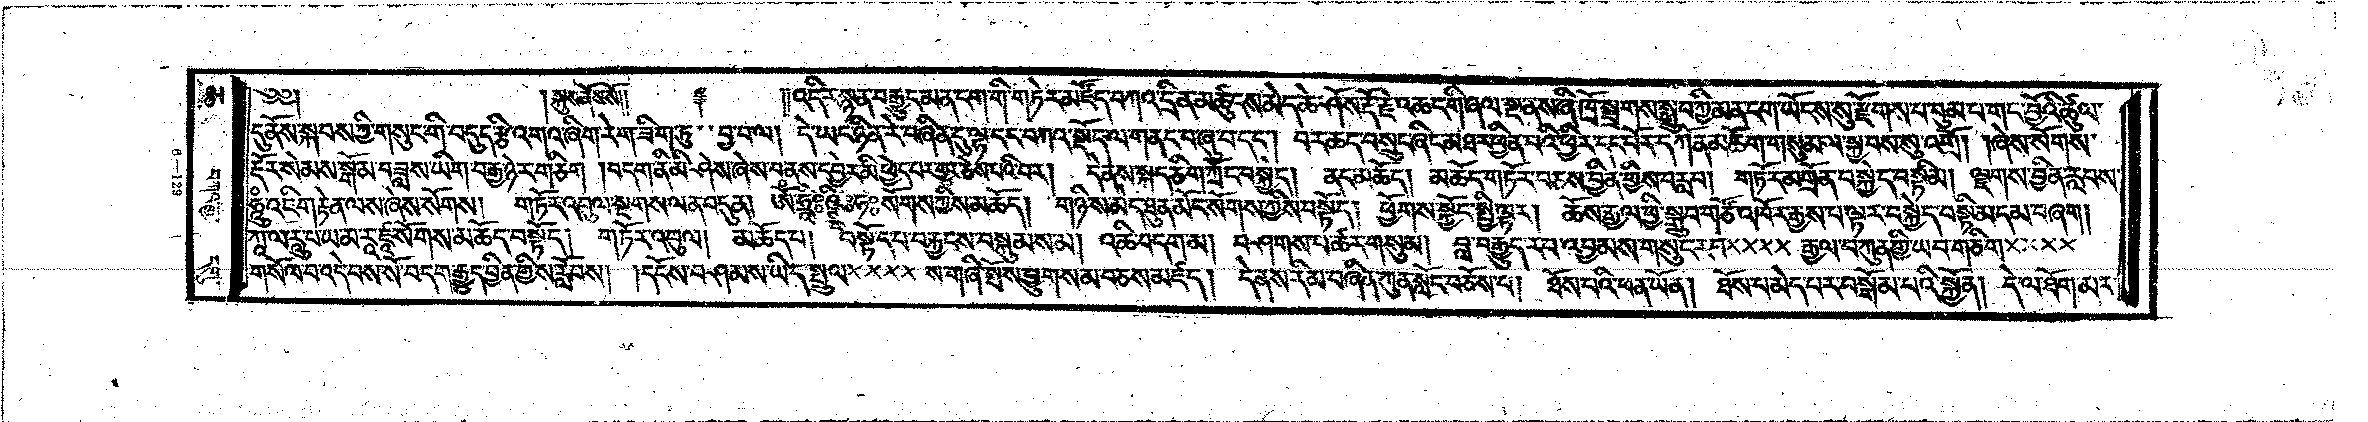༄༅། །སྐུས་ནོས་སོ།། ༈ །།འདིར་སྙན་བརྒྱུད་མན་ངག་གི་གཏེར་མཛོད་བཀའ་དྲིན་མཚུངས་མེད་ཆེ་ཤོས་རྡོ་རྗེ་འཆང་གི་ཞལ་སྔ་ནས་ཞི་ཁྲོ་སྤྲགས་སྒྲུབ་ཀྱི་མན་ངག་ཡོངས་སུ་རྫོགས་པ་བུམ་པ་གང་བྱོའི་ཚུལ་
དུ་ནོས་སྐབས་ཀྱི་གསུང་གི་བདུད་རྩི་འགའ་ཞིག་རེག་ཟིག་ཏུ་བྱ་བ་ལ། དེ་ཡང་ཉིན་རེ་བཞིན་དུ་ལྷ་དང་བཀའ་སྡོད་ལ་གནང་བ་ཞུ་བ་དང་། བར་ཆད་བསྲུང་ཞིང་མཐར་ཕྱིན་པའི་ཕྱིར་དང་པོར་དཀོན་མཆོག་གསུམ་ལ་སྐྱབས་སུ་འགྲོ། །ཞེས་སོགས་
རྡོར་སེམས་སྒོམ་བཟླས་ཡིག་བརྒྱ་ཉེར་གཅིག །བདག་ནི་མི་ཤེས་ཞེས་པ་ནས་དབྱེར་མི་ཕྱེད་པར་གྱུར་ཅེས་པའི་བར། དེ་ནས་སྐད་ཅིག་ཀྲོང་བསྐྱེད། ནང་མཆོད། མཆོད་གཏོར་བཅས་བྱིན་གྱིས་བརླབ། གཏོར་མགྲོན་བསྐྱེད་བསྟིམ། ལྗགས་བྱིན་རླབས་
ཧཱུཾ་འཇིག་རྟེན་ལས་ཞེས་སོགས། གཏོར་འབུལ་སྔགས་ལན་བདུན། ཨོཾ་ཧྲཱིཿཥྚྲཱིཿཧཿསོགས་ཀྱིས་མཆོད། གཉིས་མེད་ཐུན་མོང་སོགས་ཀྱིས་བསྟོད། ཕྱོགས་སྐྱོང་སྤྱི་ལྟར། ཆོས་རྒྱལ་ཕྱི་སྒྲུབ་གཙོ་འཁོར་རྒྱས་པ་ལྟར་བསྐྱེད་བསྟི་མདམ་བཞག།
ཀཱ་ལ་རཱུ་པ་ཡ་མ་རཱ་ཛཱ་སོགས་མཆོད་བསྟོད། གཏོར་འབུལ། མཆོད་པ། བསྟོད་པ་བརྐྱངས་བསྐུམས་མ། འཆི་བདག་མ། བཤགས་པ་ཚར་གསུམ། བླ་བརྒྱུད་རབ་འབྱམས་གསུང་རབ་྾་྾་྾་྾་རྒྱལ་བ་ཀུན་གྱི་ཡབ་གཅིག་྾་྾་྾་྾་
གསོལ་བ་འདེབས་སོ་བདག་རྒྱུད་བྱིན་གྱིས་རློབས། །དངོས་བཤམས་ཡིད་སྤྲུལ་྾་྾་྾་྾་ས་གཞི་སྤོས་ཕྱུགས་མ་བཅས་མཛད། དེ་ནས་རིམ་བཞིན་ཀུན་སློང་བཅོས་པ། ཐོས་པའི་ཕན་ཡོན། ཐོས་པ་མེད་པར་བསྒོམ་པའི་སྐྱོན། དེ་ལ་ཐོག་མར་